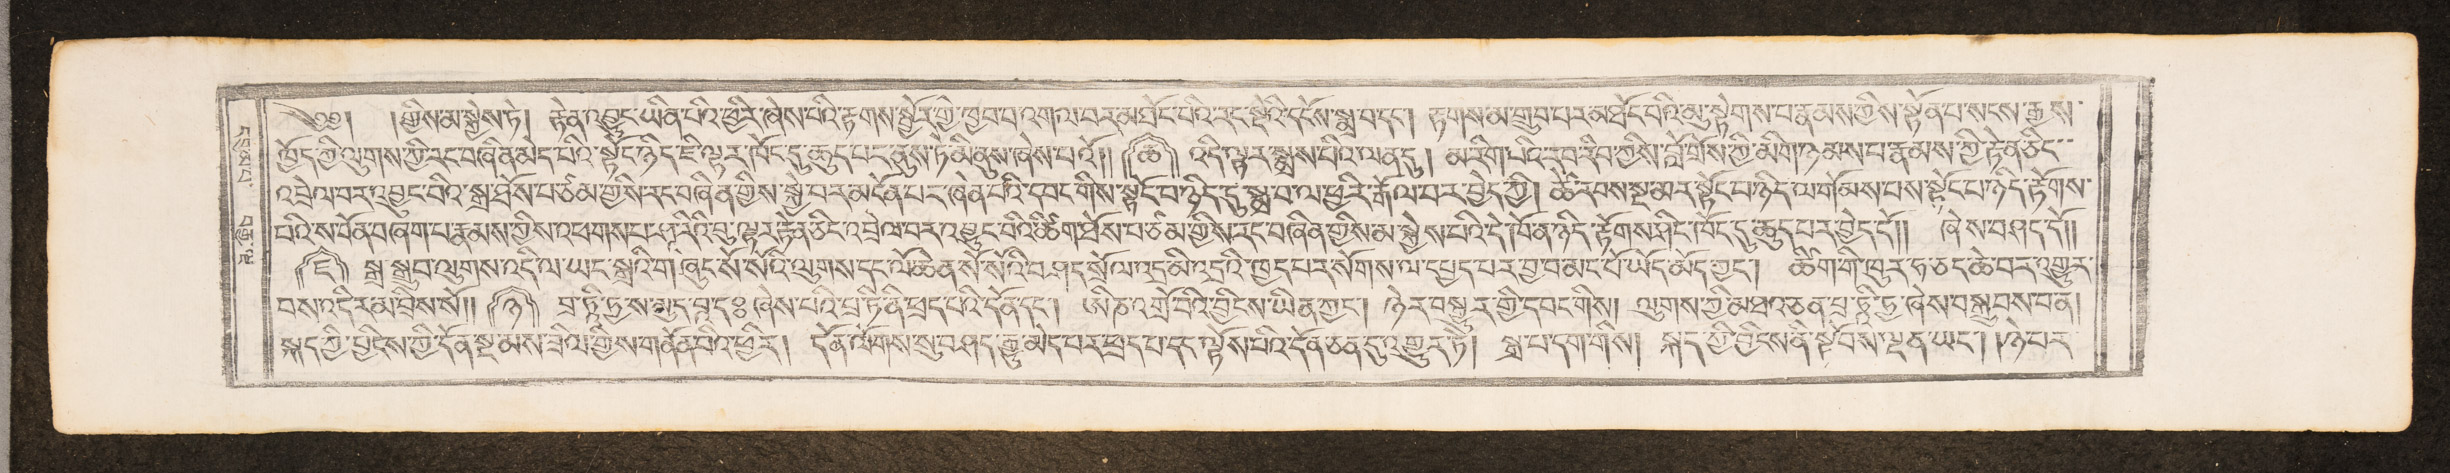༄༅། །གྱིས་མ་སྐྱེས་ཏེ། རྟེན་འབྱུང་ཡིན་པའི་ཕྱིར་ཞེས་བའི་རྟགས་སྦྱོར་གྱི་ཁྱབ་པ་འགལ་བར་མཐོང་བའི་རང་སྡེའི་དངོས་སྨྲ་བ་དང་། རྟགས་མ་གྲུབ་པར་མཐོང་བའི་མུ་སྟེགས་པ་རྣམས་ཀྱིས་སྟོན་པ་སངས་རྒྱས་
ཁྱོད་ཀྱི་ལུགས་ཀྱི་རང་བཞིན་མེད་པའི་སྟོང་ཉིད་ཇི་ལྟར་ཁོང་དུ་ཆུད་པར་ནུས་ཏེ་མི་ནུས་ཞེས་པའོ། ། ༼༽ཆ༼༽ འདི་ལྟར་སྨྲས་པའི་ལན་དུ། མ་རིག་པའི་རབ་རིབ་ཀྱིས་བློ་གྲོས་ཀྱི་མིག་ཉམས་པ་རྣམས་ཀྱི་རྟེན་ཅིང་
འབྲེལ་བར་འབྱུང་བའི་སྒྲ་ཐོས་པ་ཙམ་གྱིས་རང་བཞིན་གྱིས་སྐྱེ་བར་མངོན་པར་ཞེན་པའི་དབང་གིས་སྟོང་པ་ཉིད་དུ་སྨྲ་བ་ལ་ཕྱིར་རྒོལ་བར་བྱེད་ཀྱི། ཚེ་རབས་སྔ་མར་སྟོང་པ་ཉིད་ལ་གོམས་པས་སྟོང་པ་ཉིད་རྟོགས་
པའི་ས་བོན་བཞག་པ་རྣམས་ཀྱིས་འཕགས་པ་ཤཱ་རིའི་བུ་ལྟར་རྟེན་ཅིང་འབྲེལ་བར་འབྱུང་བའི་ཚིག་ཐོས་པ་ཙམ་གྱིས་རང་བཞིན་གྱིས་མ་སྐྱེས་པའི་དེ་ཁོ་ན་ཉིད་རྟོགས་ཤིང་ཁོང་དུ་ཆུད་པར་བྱེད་དོ། །ཞེས་བཤད་དོ། །
༼༽ཇ༼༽ སྒྲ་སྒྲུབ་ལུགས་འདི་ལ་ཡང་སྒྲའི་གཞུང་སོ་སོའི་ལུགས་དང་ལོ་ཆེན་སོ་སོའི་བཤད་སྲོལ་འདྲ་མི་འདྲའི་ཁྱད་པར་སོགས་ལ་དཔྱད་པར་བྱ་བ་མང་པོ་ཡོད་མོད་ཀྱང་། ཚིག་གི་ཁུར་ཧ་ཅང་ཆེ་བར་འགྱུར་
བས་འདིར་མ་བྲིས་སོ། །༼༽ཉ༼༽ པྲ་ཏའི་ཏྱ་ས་མུད་བཱ་དཿ ཞེས་པའི་པྲ་ཏི་ནི་ཕྲད་པའི་དོན་དང་། ཨིཎ་འགྲོ་བའི་བྱིངས་ཡིན་ཀྱང་། ཉེར་བསྒྱུར་གྱི་དབང་གིས། ལུགས་ཀྱི་མཐའ་ཅན་པྲ་ཏིའ་ཏྱ་ཞེས་བསྒྲུབས་པ་ན།
སྐད་ཀྱི་བྱིངས་ཀྱི་དོན་སྔ་མས་ཟིལ་གྱིས་གནོན་པའི་ཕྱིར། དོན་ལོགས་སུ་བཤད་རྒྱུ་མེད་པར་ཕྲད་པ་དང་ལྟོས་པའི་དོན་ཅན་དུ་འགྱུར་ཏེ། སྒྲ་པ་དག་གིས། སྐད་ཀྱི་བྱིངས་ནི་སྟོབས་ལྡན་ཡང་། །ཉེ་བར་